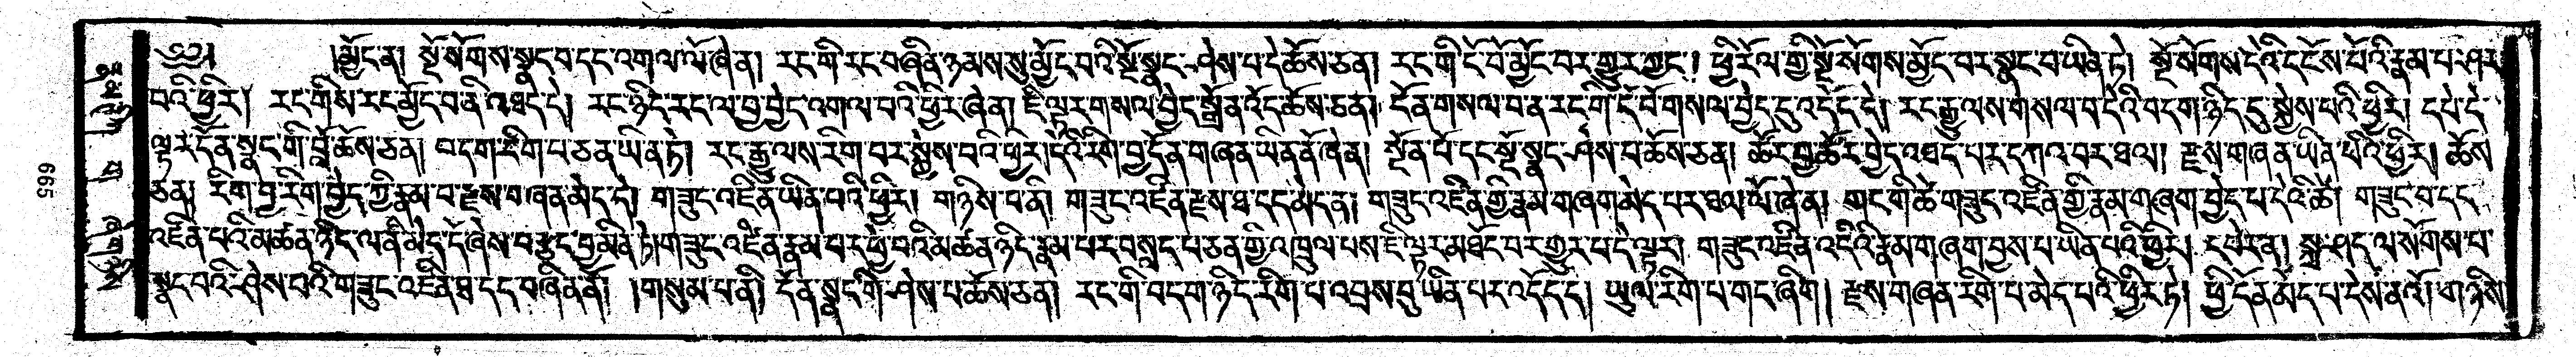༄༅། །མྱོང་ན། སྔོ་སོགས་སྣང་བ་དང་འགལ་ལོ་ཞེ་ན། རང་གི་རང་བཞིན་ཉམས་སུ་མྱོང་བའི་སྔོ་སྣང་ཤེས་པ་དེ་ཆོས་ཅན། རང་གི་ངོ་བོ་མྱོང་བར་གྱུར་ཀྱང་། ཕྱི་རོལ་གྱི་སྔོ་སོགས་མྱོང་བར་སྣང་བ་ཡིན་ཏེ། སྔོ་སོགས་དེའི་དངོས་པོའི་རྣམ་པ་ཤར་
བའི་ཕྱིར། རང་གིས་རང་མྱོང་བ་ནི་འཐད་དེ། རང་ཉིད་རང་ལ་བྱ་བྱེད་འགལ་བའི་ཕྱིར་ཞེ་ན། ཇི་ལྟར་གསལ་བྱེད་སྒྲོན་འོད་ཆོས་ཅན། དོན་གསལ་བ་ན་རང་གི་ངོ་བོ་གསལ་བྱེད་དུ་འདོད་དེ། རང་རྒྱུ་ལས་གསལ་བ་དེའི་བདག་ཉིད་དུ་སྐྱེས་པའི་ཕྱིར། དཔེ་དེ་
ལྟར་དོན་སྣང་གི་བློ་ཆོས་ཅན། བདག་རིག་པ་ཅན་ཡིན་ཏེ། རང་རྒྱུ་ལས་རིག་པར་སྐྱེས་པའི་ཕྱིར། དེའི་རིག་བྱ་དོན་གཞན་ཡིན་ནོ་ཞེ་ན། སྔོན་པོ་དང་སྔོ་སྣང་ཤེས་པ་ཆོས་ཅན། ཚོར་བྱ་ཚོར་བྱེད་འཐད་པར་དཀའ་བར་ཐལ། རྫས་གཞན་ཡིན་པའི་ཕྱིར། ཆོས་
ཅན། རིག་བྱ་རིག་བྱེད་ཀྱི་རྣམ་པ་རྫས་བཞན་མེད་དེ། གཟུང་འཛིན་ཡིན་པའི་ཕྱིར། གཉིས་པ་ནི། གཟུང་འཛིན་རྫས་ཐ་དད་མེད་ན། གཟུང་འཛིན་གྱི་རྣམ་གཞག་མེད་པར་ཐལ་ལོ་ཞེ་ན། གང་གི་ཚེ་གཟུང་འཛིན་གྱི་རྣམ་གཞག་བྱེད་པ་དེའི་ཚེ། གཟུང་བ་དང་
འཛིན་པའི་མཚན་ཉིད་ལ་ནི་མེད་དོ་ཞེས་བརྩང་བྱ་མིན་ཏེ། གཟུང་འཛིན་རྣམ་པར་ཕྱེ་བའི་མཚན་ཉིད་རྣམ་པར་བསླད་པ་ཅན་གྱི་འཁྲུལ་པས་ཇི་ལྟར་མཐོང་བར་གྱུར་པ་དེ་ལྟར། གཟུང་འཛིན་འདིའི་རྣམ་གཞག་བྱས་པ་ཡིན་པའི་ཕྱིར། དཔེར་ན། སྐྲ་ཤད་ལ་སོགས་པ་
སྣང་བའི་ཤེས་པའི་གཟུང་འཛིན་ཐ་དད་བཞིན་ནོ། །གསུམ་པ་ནི། དོན་སྣང་གི་ཤེས་པ་ཆོས་ཅན། རང་གི་བདག་ཉིད་རིག་པ་འབྲས་བུ་ཡིན་པར་འདོད་དེ། ཡུལ་རིག་པ་གང་ཞིག། རྫས་གཞན་རིག་པ་མེད་པའི་ཕྱིར་ཏེ། ཕྱི་དོན་མེད་པ་དེས་ནའོ། །གཉིས་